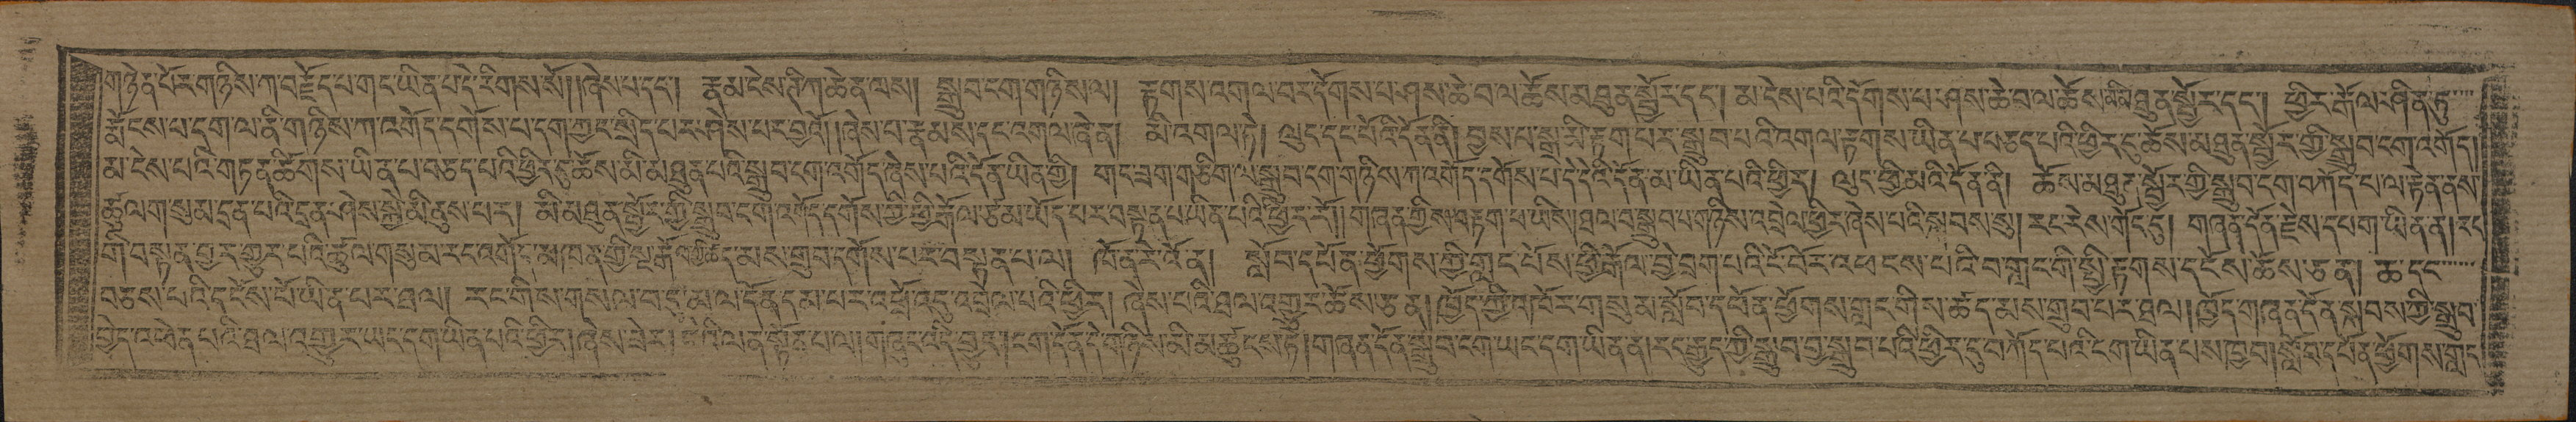གཉེན་པོར་གཉིས་ཀ་བརྗོད་པ་གང་ཡིན་པ་དེ་རིགས་སོ། །ཞེས་པ་དང་། རྣམ་ངེས་ཊིཀ་ཆེན་ལས། སྒྲུབ་ངག་གཉིས་ལ། རྟགས་འགལ་བར་དོགས་པ་ཤས་ཆེ་བ་ལ་ཆོས་མཐུན་སྦྱོར་དང་། མ་ངེས་པའི་དོགས་པ་ཤས་ཆེ་བ་ལ་ཆོས་མི་མཐུན་སྦྱོར་དང་། ཕྱིར་རྒོལ་ཤིན་ཏུ་
རྨོངས་པ་དག་ལ་ནི་གཉིས་ཀ་འགོད་དགོས་པ་དག་ཀྱང་སྲིད་པར་ཤེས་པར་བྱའོ། །ཞེས་པ་རྣམས་དང་འགལ་ཞེ་ན། མི་འགལ་ཏེ། ལུང་དང་པོའི་དོན་ནི། བྱས་པ་སྒྲ་མི་རྟག་པར་སྒྲུབ་པའི་འགལ་རྟགས་ཡིན་པ་བཅད་པའི་ཕྱིར་དུ་ཆོས་མཐུན་སྦྱོར་གྱི་སྒྲུབ་ངག་འགོད།
མ་ངེས་པའི་གཏན་ཚིགས་ཡིན་པ་བཅད་པའི་ཕྱིར་དུ་ཆོས་མི་མཐུན་པའི་སྒྲུབ་ངག་འགོད་ཞེས་པའི་དོན་ཡིན་གྱི། གང་ཟག་གཅིག་ལ་སྒྲུབ་ངག་གཉིས་ཀ་འགོད་དགོས་པ་དེ་དེའི་དོན་མ་ཡིན་པའི་ཕྱིར། ལུང་ཕྱི་མའི་དོན་ནི། ཆོས་མཐུན་སྦྱོར་གྱི་སྒྲུབ་ངག་བཀོད་པ་ལ་རྟེན་ནས་
ཚུལ་གསུམ་དྲན་པའི་དྲན་ཤེས་སྐྱེ་མི་ནུས་པར། མི་མཐུན་སྦྱོར་གྱི་སྒྲུབ་ངག་འགོད་དགོས་ཀྱི་ཕྱི་རྒོལ་ཙམ་ཡོད་པར་བསྟན་པ་ཡིན་པའི་ཕྱིར་རོ། །གཞན་གྱིས་བརྟག་པ་ཡིས། ཐལ་བསྒྲུབ་པ་གཉིས་འབྲེལ་ཕྱིར་ཞེས་པའི་སྐབས་སུ། རང་རེས་གོང་དུ། གཞན་དོན་རྗེས་དཔག་ཡིན་ན། རང་
གི་བསྟན་བྱར་གྱུར་པའི་ཚུལ་གསུམ་རང་འགོད་མཁན་གྱི་སྔ་རྒོལ་གྱི་ཚད་མས་གྲུབ་དགོས་པར་བསྟན་པ་ལ། ཁོ་ན་རེ་འོ་ན། སློབ་དཔོན་ཕྱོགས་ཀྱི་གླང་པོས་ཕྱི་རྒོལ་བྱེ་བྲག་པའི་ངོ་བོར་འཕངས་པའི་བ་གླང་གི་སྤྱི་རྟགས་དངོས་ཆོས་ཅན། ཆ་དང་
བཅས་པའི་དངོས་པོ་ཡིན་པར་ཐལ། རང་གིས་གསལ་བ་དུ་མ་ལ་དོན་དམ་པར་འཕྲོ་འདུ་འབྲེལ་བའི་ཕྱིར། ཞེས་པའི་ཐལ་འགྱུར་ཆོས་ཅན། ཁྱོད་ཀྱི་འཁོར་གསུམ་སློབ་དཔོན་ཕྱོགས་གླང་གིས་ཚད་མས་གྲུབ་པར་ཐལ། ཁྱོད་གཞན་དོན་སྐབས་ཀྱི་སྒྲུབ་
བྱེད་འཕེན་པའི་ཐལ་འགྱུར་ཡང་དག་ཡིན་པའི་ཕྱིར། ཞེས་ཟེར། དེའི་ལན་སྟོན་པ་ལ། གཞུང་འདི་བྱུང་། ངག་དོན་དེ་གཉིས་མི་མཚུངས་ཏེ། གཞན་དོན་སྒྲུབ་ངག་ཡང་དག་ཡིན་ན། རང་རྒྱུད་ཀྱི་སྒྲུབ་བྱ་སྒྲུབ་པའི་ཕྱིར་དུ་བཀོད་པའི་ངག་ཡིན་པས་ཁྱབ། སློབ་དཔོན་ཕྱོགས་གླང་